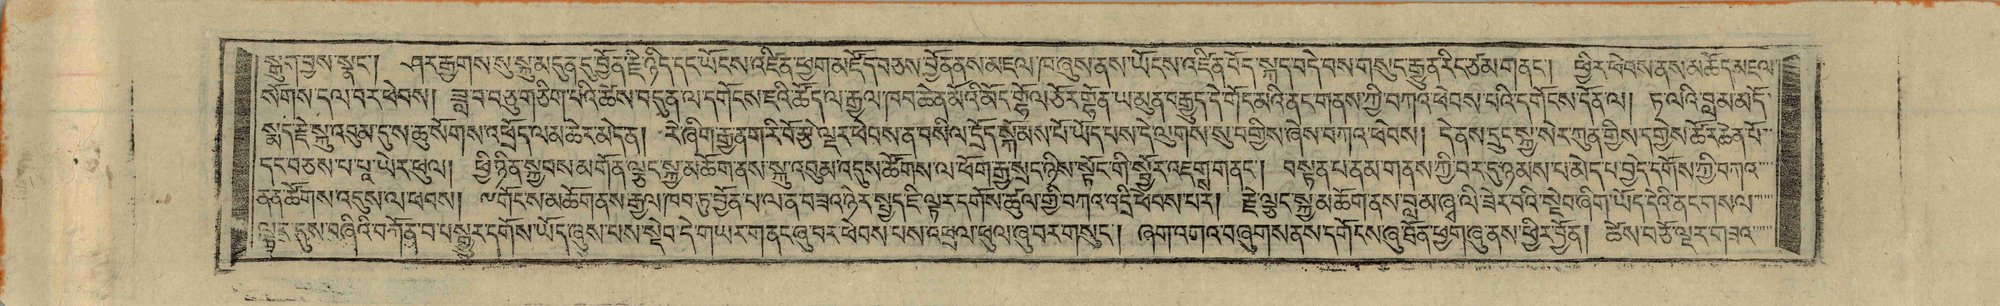སྒུག་བྱས་སྣང་། ཤར་རྒྱགས་སུ་སྐུ་མདུན་དུ་བྱོན་རྗེ་ཉིད་དང་ཡོངས་འཛིན་ཕྱག་མཛོད་བཅས་བྱོན་ནས་མཇལ་ཁ་ཞུས་ནས་ཡོངས་འཛིན་བོད་སྐད་བདེ་བས་གསུང་རྒྱུན་རིང་ཙམ་གནང་། ཕྱིར་ཕེབས་ནས་མཆོད་མཇལ་
སོགས་དལ་བར་ཕེབས། ཟླ་བ་བཅུ་གཅིག་པའི་ཚེས་བདུན་ལ་དགོངས་ཇའི་ཚོད་ལ་རྒྱལ་ཁབ་ཆེན་མོའི་མོང་གྷོལ་ཅོར་གྷོན་ཡ་མུན་བརྒྱུད་དེ་གོང་མའི་ནང་གནས་ཀྱི་བཀའ་ཕེབས་པའི་དགོངས་དོན་ལ། ཏ་ལའི་བླ་མ་མདོ་
སྨད་རྗེ་སྐུ་འབུམ་དུ་ས་ཆུ་སོགས་འཕྲོད་ལམ་ཆེར་མེད་ན། རེ་ཞིག་རྒྱ་ནག་རི་བོ་རྩེ་ལྔར་ཕེབས་ན་བསིལ་དྲོད་སྐོམས་པོ་ཡོད་པས་དེ་ལུགས་སུ་བགྱིས་ཞེས་བཀའ་ཕེབས། དེ་ནས་དྲུང་སྐྱ་སེར་ཀུན་གྱིས་དགྱེས་ཚོར་ཆེན་པོ་
དང་བཅས་པ་པཱ་ཡེར་ཕུལ། ཕྱི་ཉིན་སྐྱབས་མགོན་ལྕང་སྐྱ་མཆོག་ནས་སྐུ་འབུམ་འདུས་ཚོགས་ལ་ཕོག་རྒྱ་སྲང་ཉིས་སྟོང་གི་སྦྱོར་འཇགས་གནང་། བསྟན་པ་ནམ་གནས་ཀྱི་བར་དུ་ཉམས་པ་མེད་པ་བྱེད་དགོས་ཀྱི་བཀའ་
ནན་ཚོགས་འདུས་ལ་ཕབས། ༧གོང་ས་མཆོག་ནས་རྒྱལ་ཁབ་ཏུ་བྱོན་པ་ལན་བཟའ་ཉེར་སྤྱད་ཇི་ལྟར་དགོས་ཚུལ་གྱི་བཀའ་འདྲི་ཕེབས་པར། རྗེ་ལྕང་སྐྱ་མཆོག་ནས་བླ་མ་ཞྭ་ལི་ཟེར་བའི་སྡེབ་ཞིག་ཡོད་དེའི་ནང་གསལ་
ལྟར་དུས་བཞིའི་བཀོན་པ་བསྒྱུར་དགོས་ཡོད་ཞུས་པས་སྡེབ་དེ་གཡར་གནང་ཞུ་བར་ཕེབས་པས་འཕྲལ་ཕུལ་ཞུ་བར་གསུང་། ཞག་འགའ་བཞུགས་ནས་དགོངས་ཞུ་ཐོན་ཕྱག་ཞུ་ནས་ཕྱིར་བྱོན། ཚེས་བཅོ་ལྔར་གཟའ་